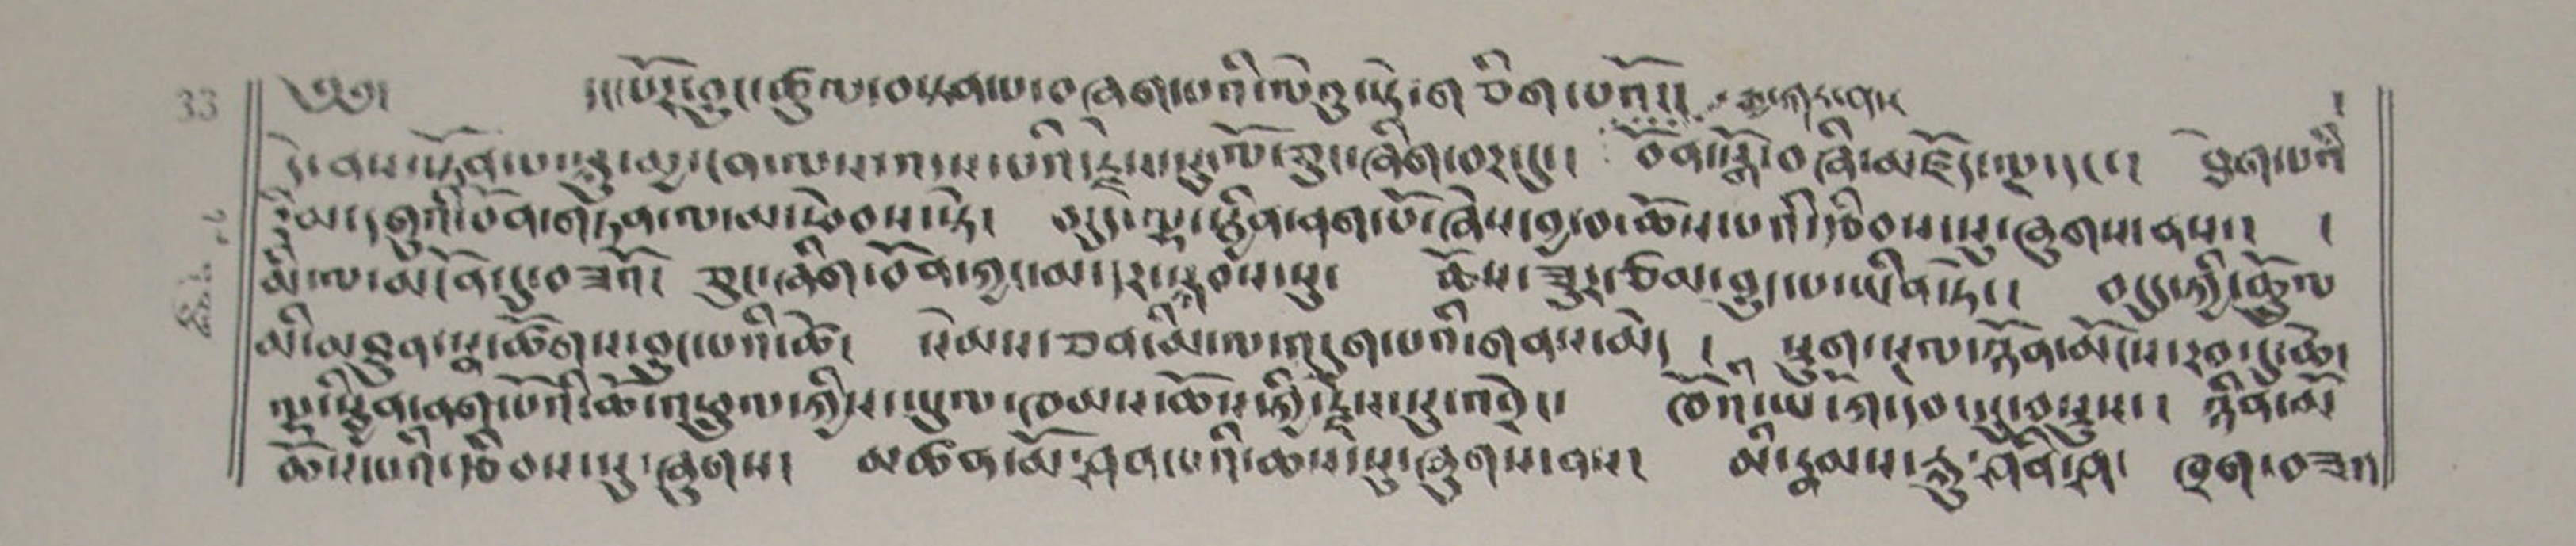༄༅། །དང་པོ་བྱུང་ཚུལ་བསྟན་པ་བཞག་པའི་ལེའུ་སྟེ་གཅིག་པའོ།།
 དེ་ནས་སྟོན་པ་སྐུ་མྱ་ངན་ལས་འདས་པའི་རྗེས་སུ་ལོ་ཅུང་ཞིག་བར་དུ། རྒྱ་གར་ནས་བོན་སྒོ་བཞི་མཛོད་ལྔ་དང་། ཐེག་པ་
རིམ་པ་དགུའི་བོན་གཏན་ལ་མ་ཕེབས་ཏེ། བདུད་ལྷ་སྦྱིན་ནག་པོ་ཞེས་བྱ་བ་ཆོས་པའི་རྩིབས་སུ་བཞུགས་ནས། 
མི་ལ་མངོན་དུ་བཟའ་འོ། །ཅུང་ཞིག་བོན་དུ་མ་དར་སྐབས་སུ། ཆོས་ཟུར་ཙམ་བྱུང་བ་ཡིན་ཏེ་བདུད་ཀྱི་ཆོ་འཕྲུལ་
མི་མཐུན་པ་སྣ་ཚོགས་བྱུང་བའི་ཚེ། སེམས་ཅན་མི་ལ་འདུག་པའི་གནས་མེད། སྡུག་བསྔལ་ཉོན་མོངས་རབ་ཏུ་ཆེ། 
ལྷ་སྦྱིན་ནག་པོའི་ཆོ་འཕྲུལ་གྱིས་ཡུལ་ཁམས་ཆོས་ཀྱི་རྗེས་སུ་འབྲེང་། ཁོའི་ཡོ་ཀ་དབང་དུ་བསྡུས། ཉིན་མོ་
ཆོས་པའི་རྩིབས་སུ་ཞུགས། མཚན་མོ་ཤན་པའི་ཆས་སུ་ཞུགས་ནས། མི་རྣམས་སྐུ་ཤིན་ཤ་ཁྲག་བཟའ་